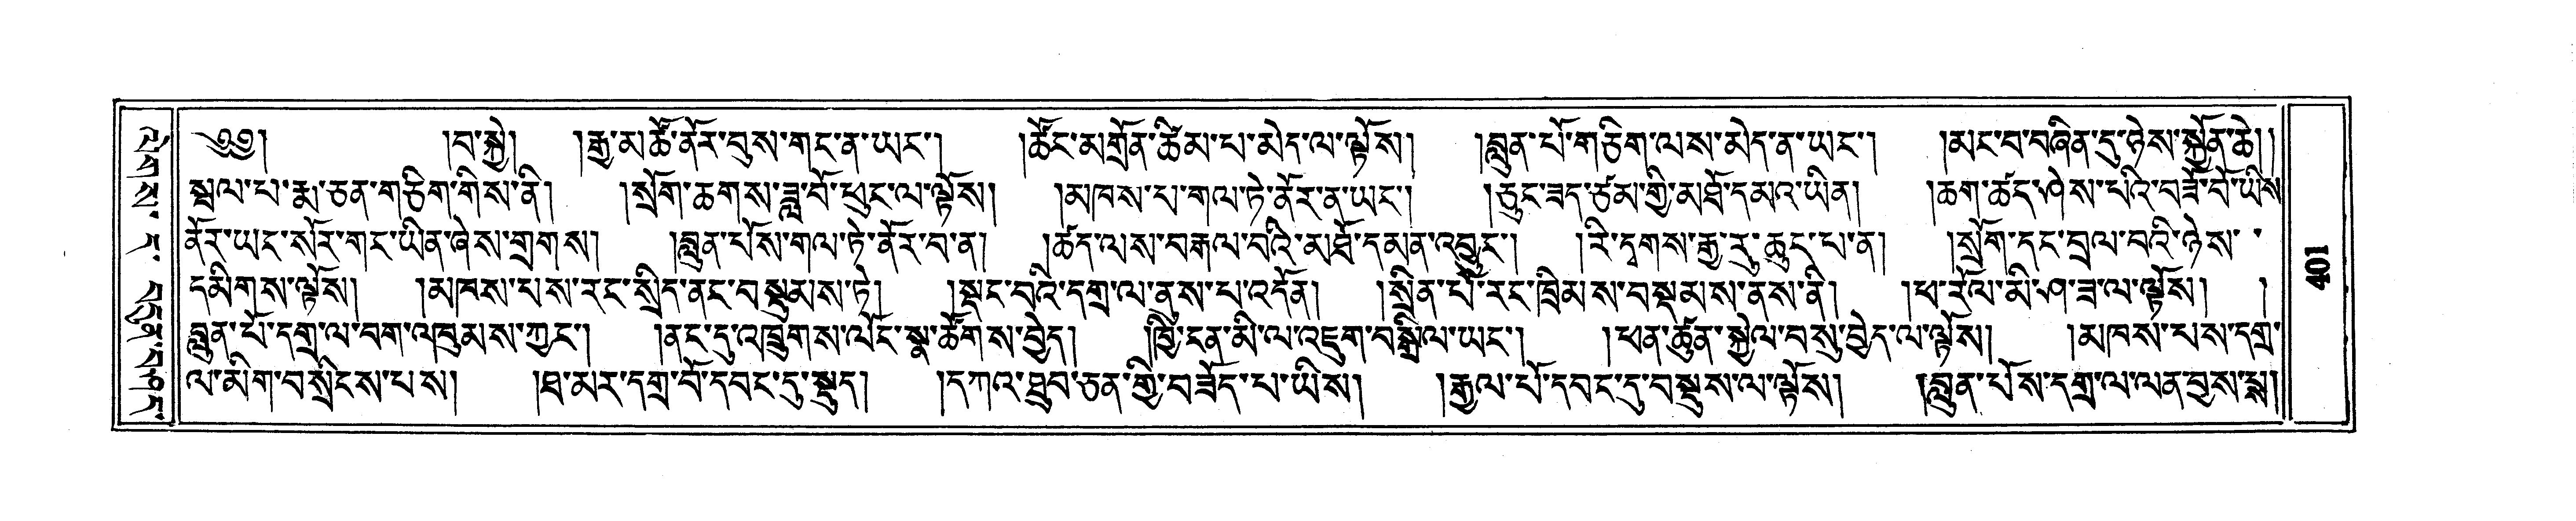༄༅། །བ་སྐྱེ། །རྒྱ་མཚོ་ནོར་བུས་གང་ན་ཡང་། །ཚོང་མགྲོན་ཚིམ་པ་མེད་ལ་ལྟོས། །བླུན་པོ་གཅིག་ལས་མེད་ན་ཡང་། །མང་བ་བཞིན་དུ་ཉེས་སྐྱོན་ཆེ།།
སྦལ་པ་རྨ་ཅན་གཅིག་གིས་ནི། །སྲོག་ཆགས་ཟླ་བོ་ཕུང་ལ་ལྟོས། །མཁས་པ་གལ་ཏེ་ནོར་ན་ཡང་། །ཅུང་ཟད་ཙམ་གྱི་མཐོ་དམའ་ཡིན། །ཆག་ཚང་ཤེས་པའི་བཟོ་བོ་ཡིས་
ནོར་ཡང་སོར་གང་ཡིན་ཞེས་གྲགས། །བླུན་པོས་གལ་ཏེ་ནོར་བ་ན། །ཚད་ལས་བརྒལ་བའི་མཐོ་དམན་འབྱུང་། །རི་དྭགས་རྒྱ་རུ་ཆུང་པ་ན། །སྲོག་དང་བྲལ་བའི་ཉེས་
དམིགས་ལྟོས། །མཁས་པས་རང་སྲིད་ནང་བསྡུམས་ཏེ། །སྡང་བའི་དགྲ་ལ་ནུས་པ་འདོན། །སྲིན་པ་རང་ཁྲིམས་བསྡམས་ནས་ནི། །ཕ་རོལ་མི་ཤ་ཟ་ལ་ལྟོས། །
བླུན་པོ་དགྲ་ལ་བག་འཁུམས་ཀྱང་། །ནང་དུ་འཁྲུགས་ལོང་སྣ་ཚོགས་བྱེད། །ཁྱི་ངན་མི་ལ་འཇུག་བསྒྲིལ་ཡང་། །ཕན་ཚུན་སྐྱེལ་བསུ་བྱེད་ལ་ལྟོས། །མཁས་པས་དགྲ་
ལ་མིག་བསྲིངས་པས། །ཐ་མར་དགྲ་བོ་དབང་དུ་སྡུད། །དཀའ་ཐུབ་ཅན་གྱི་བཟོད་པ་ཡིས། །རྒྱལ་པོ་དབང་དུ་བསྡུས་ལ་ལྟོས། །བླུན་པོས་དགྲ་ལ་ལན་བྱས་པས།